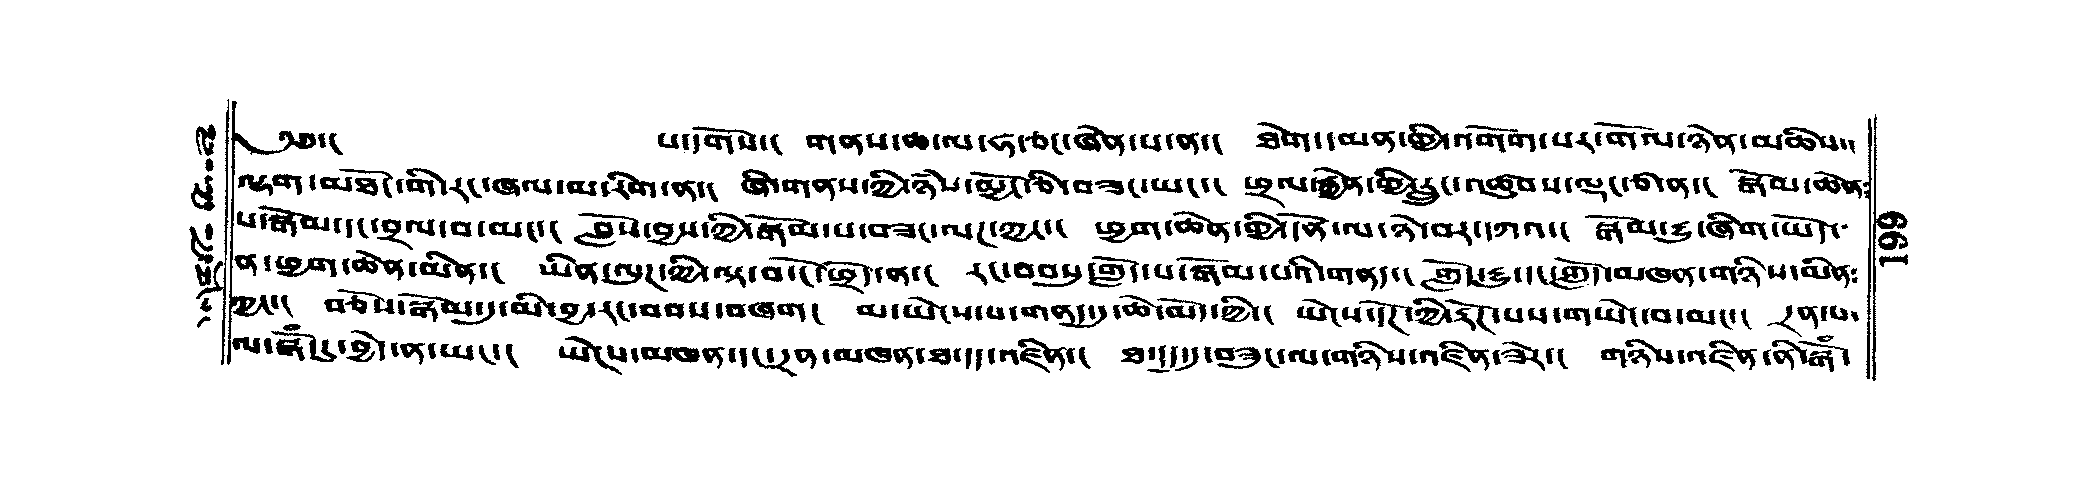པ་དགོས། །གནས་ཆ་ལ་ཧ་ཅང་ཞེན་པ་ན། །ཐེག་དམན་གྱི་འགོག་པར་གོལ་ཉེན་མཆིས། །
ལྷག་མཐོང་གི་རང་ཞལ་མ་རིག་ན། །ཞི་གནས་ཀྱི་ཉམས་མྱོང་ཅི་བཟང་ཡང་། །ཕྲལ་རྐྱེན་གྱི་རླུང་འཚུབས་ལྡང་ཙ་ན། །སྒོམ་ཆེན་
པ་སྒོམ་དང་བྲལ་བ་མང་། །བློས་བྱས་ཀྱི་སྒོམ་པ་བཟང་ལགས་ཀྱང་། །ཕྱག་ཆེན་གྱི་དོན་ལ་ཉེ་བར་དཀའ། །སྒོམ་རྒྱུ་ཞིག་ཡོད་
ན་ཕྱག་ཆེན་མིན། །ཡིན་ལུགས་ཀྱི་ལྟ་བ་ངོ་ཕྲོད་ན། །རང་བབས་སུ་གློད་པ་སྒོམ་པའི་གནད། །གློད་རྒྱུད་དང་གློད་མཁན་གཉིས་མིན་
ཀྱང་། །བཅོས་སྒོམ་དུ་མི་བྱ་རང་བབས་བཞག།མ་ཡེངས་པ་གནད་དུ་ཆེ་མོད་ཀྱི། །ཡེངས་དོགས་ཀྱི་རྟོགས་པས་གཡེང་བ་མང་། །དྲན་པ་
ལ་སྒོམ་དུ་བྱེད་ན་ཡང་། །ཡེངས་མཁན་དང་དྲན་མཁན་ཐ་དད་འཛིན། །ཐ་དད་དུ་བཟུང་ལ་གཉིས་འཛིན་ཟེར། །གཉིས་འཛིན་ནི་སྒོམ་